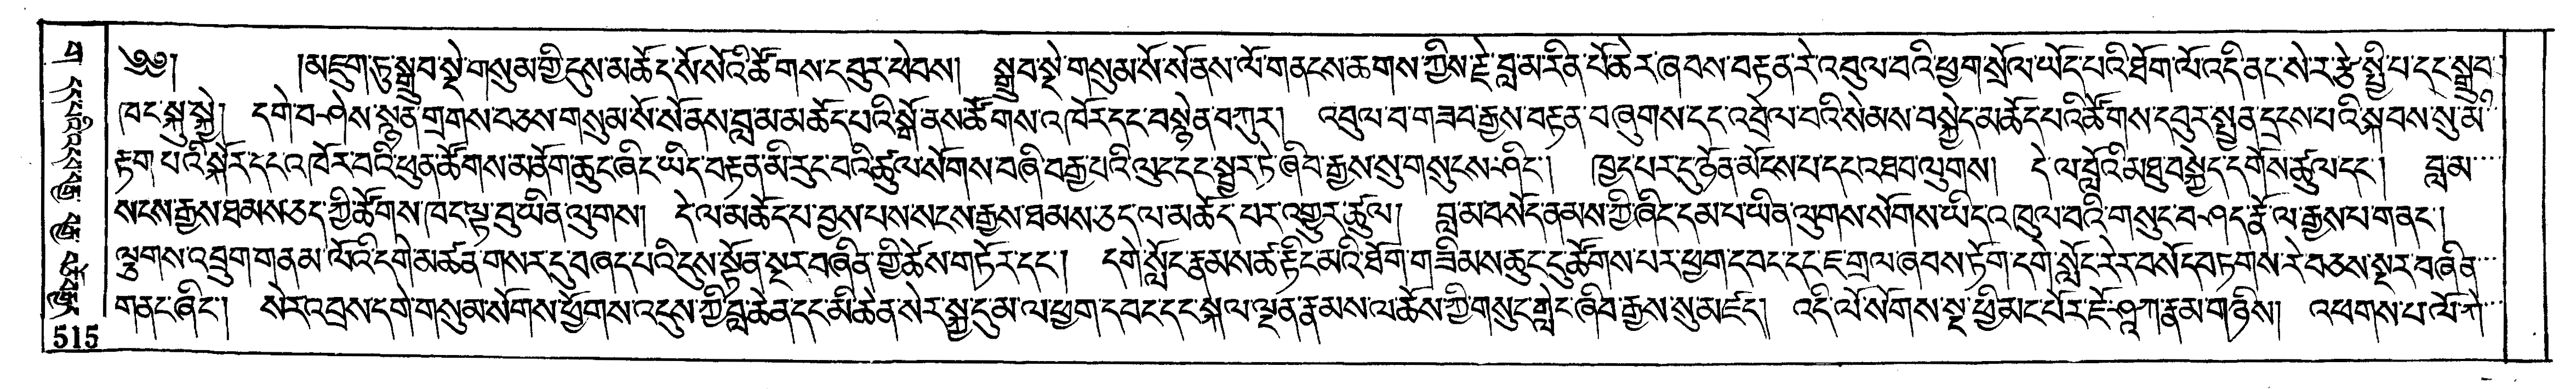༄༅། །མཇུག་ཏུ་སྒྲུབ་སྡེ་གསུམ་གྱི་དུས་མཆོང་སོ་སོའི་ཚོགས་དབུར་ཕེབས། སྒྲུབ་སྡེ་གསུམ་སོ་སོ་ནས་ལོ་གནངས་ཆགས་ཀྱིས་རྗེ་བླ་མ་རིན་པོ་ཆེར་ཞབས་བརྟན་རེ་འབུལ་བའི་ཕྱག་སྲོལ་ཡོད་པའི་ཐོག་ལོ་འདི་ནང་སེ་ར་རྩེ་སྤྱི་པ་དང་སྒྲུབ་
ཁང་སྐུ་སྐྱེ། དགེ་བཤེས་སྙན་གྲགས་བཅས་གསུམ་སོ་སོ་ནས་བླ་མ་མཆོད་པའི་སྒོ་ནས་ཚོགས་འཁོར་དང་བསྙེན་བཀུར། འབུལ་བ་གཟབ་རྒྱས་བརྟན་བཞུགས་དང་འབྲེལ་བའི་སེམས་བསྐྱེད་མཆོད་པའི་ཚོགས་དབུར་སྤྱན་དྲངས་པའི་སྐབས་སུ་མི་
རྟག་པའི་སྐོར་དང་འཁོར་བའི་ཕུན་ཚོགས་མནོག་ཆུང་ཞིང་ཡིད་བརྟན་མི་རུང་བའི་ཚུལ་སོགས་བཞི་བརྒྱ་པའི་ལུང་དང་སྦྱར་ཏེ་ཞིབ་རྒྱས་སུ་གསུངས་ཤིང་། ཁྱད་པར་དུ་ཉོན་མོངས་པ་དང་འཐབ་ལུགས། དེ་ལ་བློའི་མཐུ་བསྐྱེད་དགོས་ཚུལ་དང་། བླ་མ་
སངས་རྒྱས་ཐམས་ཅད་ཀྱི་ཚོགས་ཁང་ལྟ་བུ་ཡིན་ལུགས། དེ་ལ་མཆོད་པ་བྱས་པས་སངས་རྒྱས་ཐམས་ཅད་ལ་མཆོད་པར་འགྱུར་ཚུལ། བླ་མ་བསོད་ནམས་ཀྱི་ཞིང་དམ་པ་ཡིན་ལུགས་སོགས་ཡིད་འཁུལ་བའི་གསུང་བཤད་རྣོ་ལ་རྒྱས་པ་གནང་།
ལྕགས་འབྲུག་གནམ་ལོའི་དགེ་མཚན་གསར་དུ་བཞད་པའི་དུས་སྟོན་སྔར་བཞིན་གྱི་ཚེས་གཏོར་དང་། དགེ་སློང་རྣམས་ཚ་རྟིང་མའི་ཐོག་གཟིམས་ཆུང་དུ་ཚོགས་པར་ཕྱག་དབང་དང་ཇ་གྲལ་ཞབས་ཏོག་དགེ་སློང་རེར་བསོད་བཏགས་རེ་བཅས་སྔར་བཞིན་
གནང་ཞིང་། སེར་འབྲས་དགེ་གསུམ་སོགས་ཕྱོགས་འདུས་ཀྱི་བླ་ཆེན་དང་མི་ཆེན་སེར་སྐྱ་དུ་མ་ལ་ཕྱག་དབང་དང་སྐལ་ལྡན་རྣམས་ལ་ཆོས་ཀྱི་གསུང་གླེང་ཞིབ་རྒྱས་སུ་མཛད། འདི་ལོ་སོགས་སྔ་ཕྱི་མང་པོར་ཇོ་ཤཱཀ་རྣམ་གཉིས། འཕགས་པ་ལོ་ཀེ་